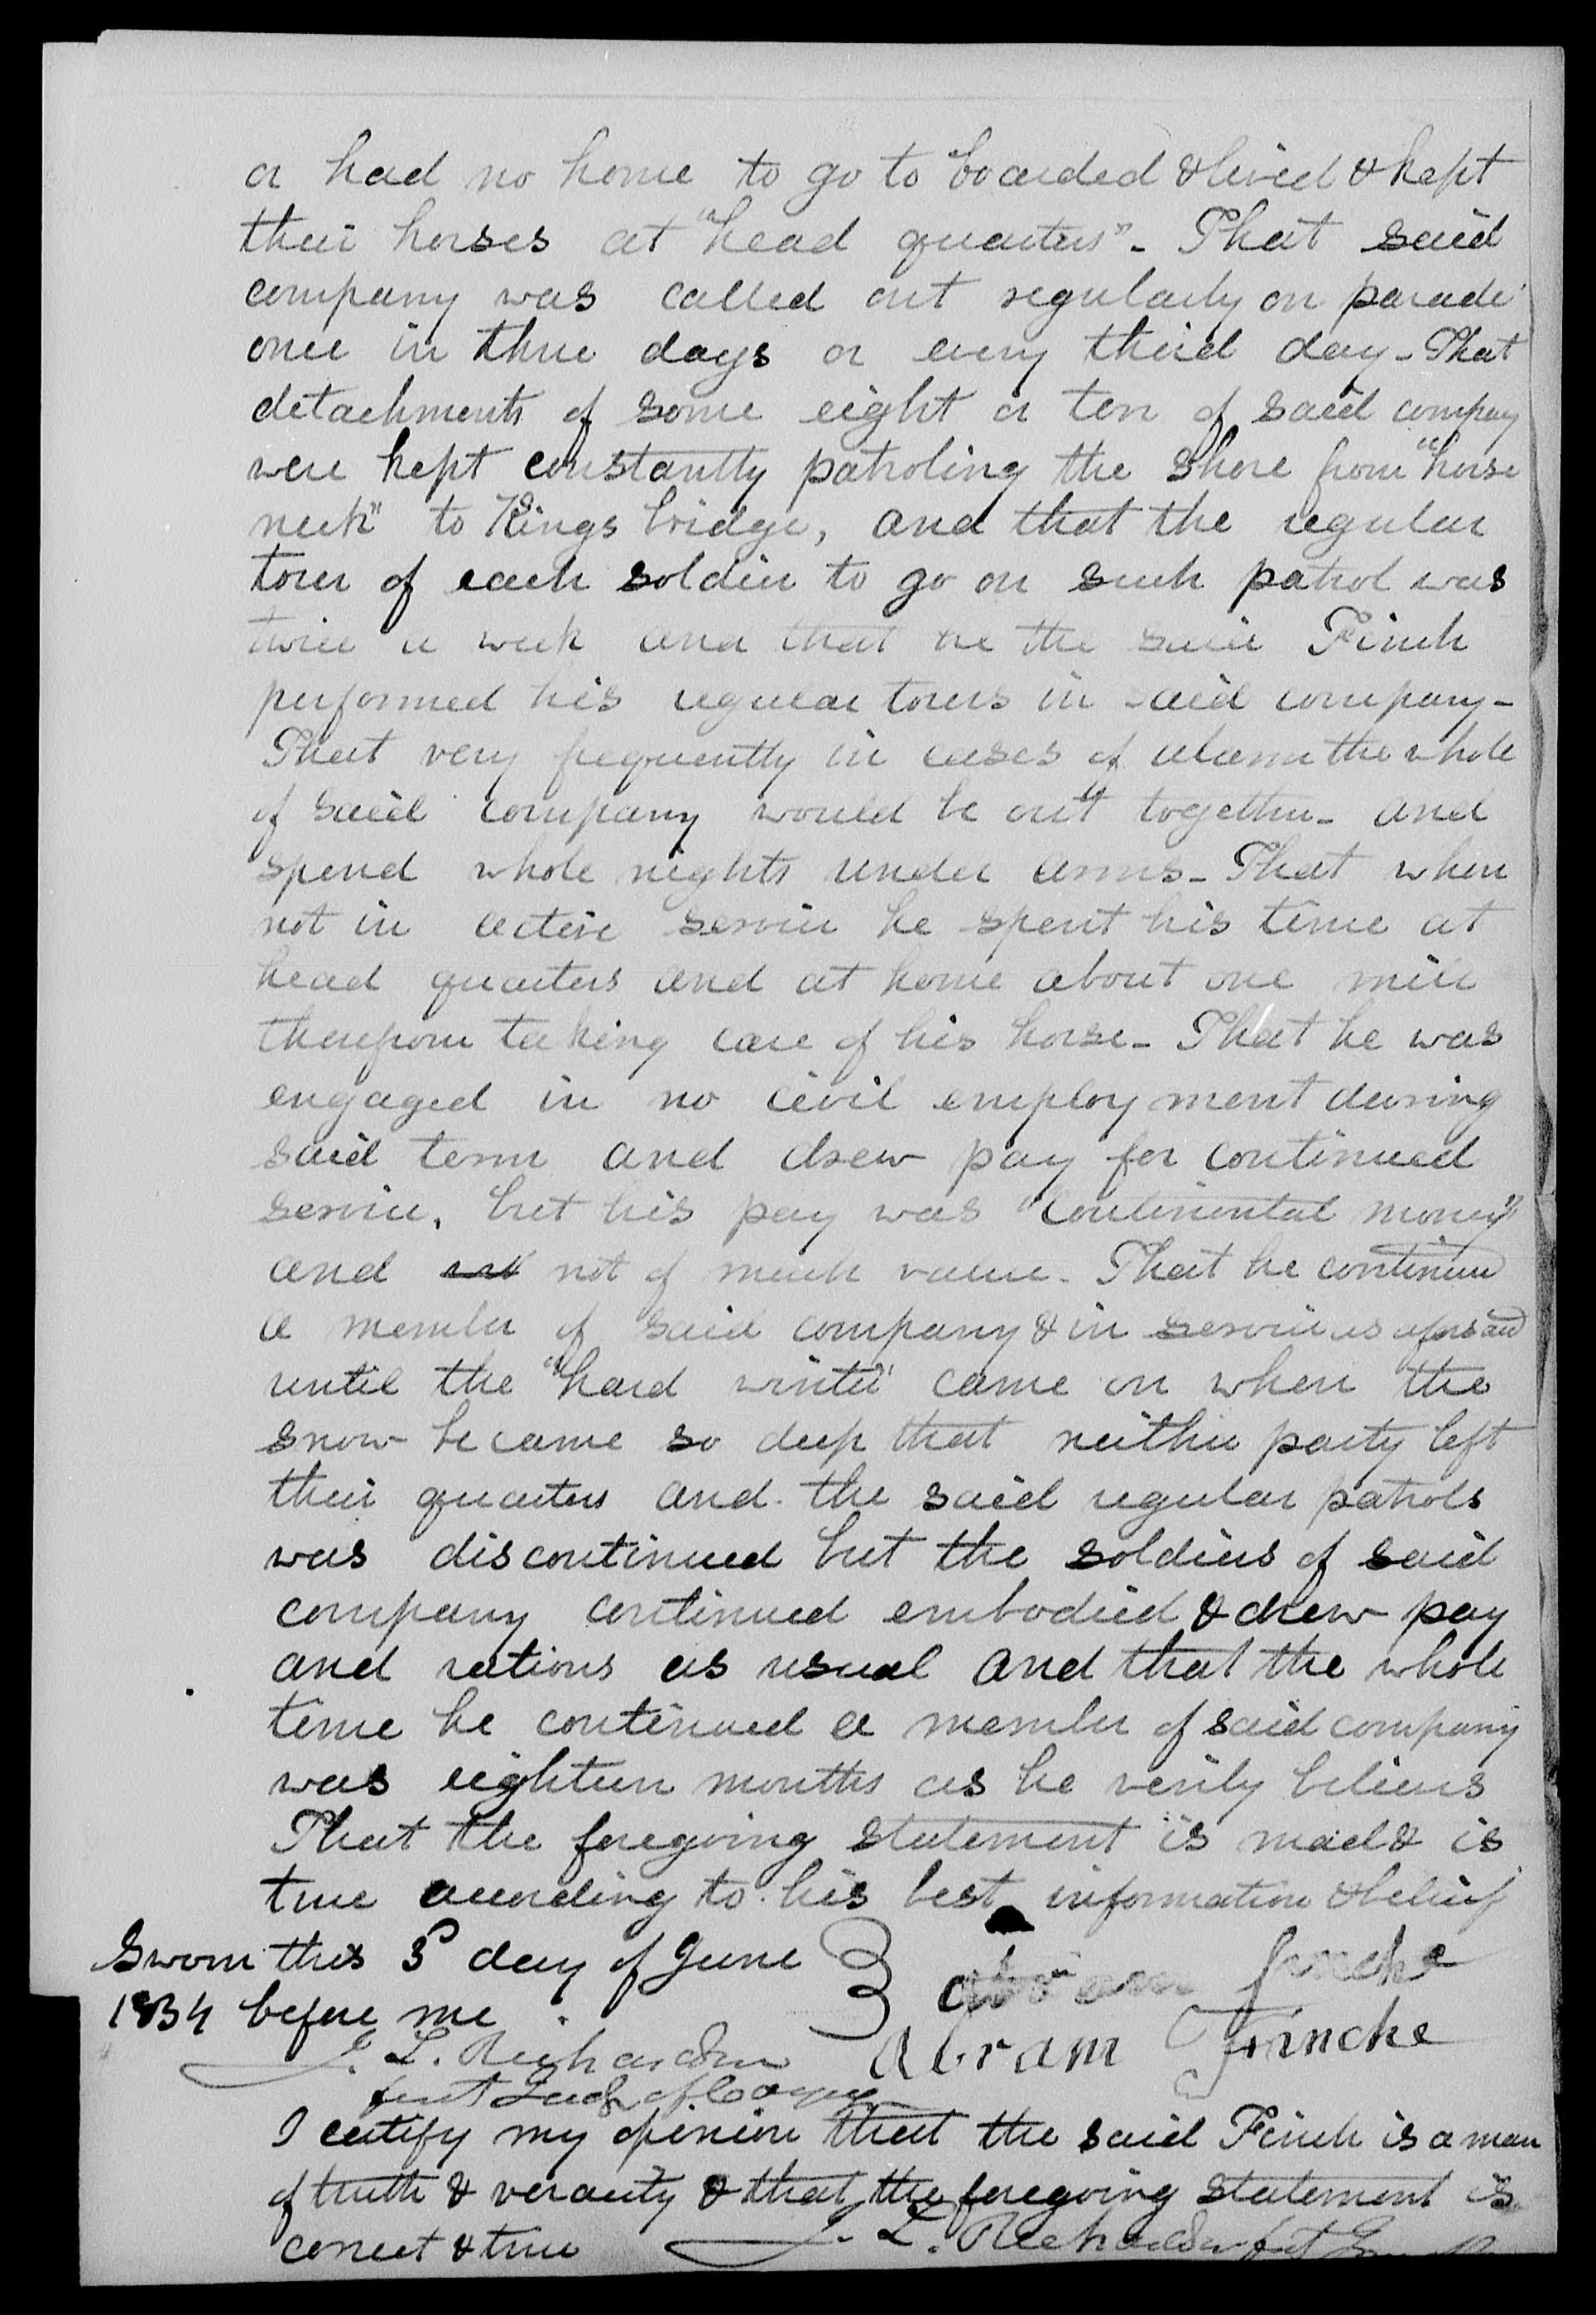or had no home to go to boarded & lived & kept their horses at head quarters. That said company was
called out regularly on parade
once in three days or every third day-That detachments of some eight or ten of said company
were kept constantly patroling the shore from "horse neck" to Kings bridge, and that the regular
tour of each soldier to go on such patrol was twice a week and that he the said Finch performed his regular tours in said company-
That very frequently in cases of alarm the whole of said company would be out together-- and
spend whole rights under arms-- That when not in active service he spent his time at head quarters and at home about one mile
therefrom taking care of his horse-- That he was engaged in no civil employment during
said time and drew pay for continued service, but his pay was "continental money"
and not of much value-- That he continued a member of said company & in service as aforesaid
until the hard winter came on when the snow became so deep that neither party left their quarters and the said regular patrols
was discontinued but the soldiers of said company continued embodied & drew pay and rations as usual and that the whole time he continued a member of said company was eighteen months as he verily believes
That the foregoing statement is made is true according to his best information & belief
Sworn this 3 day of June 1834
before me
J. L. Richardson
Abram Finche
first Judge of Coy

I certify my opinion that the said Finch is a man
of truth & veracity & that the foregoing statement is correct & true
JL Richardson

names: J L Richardson, J L Richardson, Finch, Finch, Abram Finche, Abram Finche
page: 31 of 35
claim: survivor's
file: S. 28727, Abraham Finch, Conn.